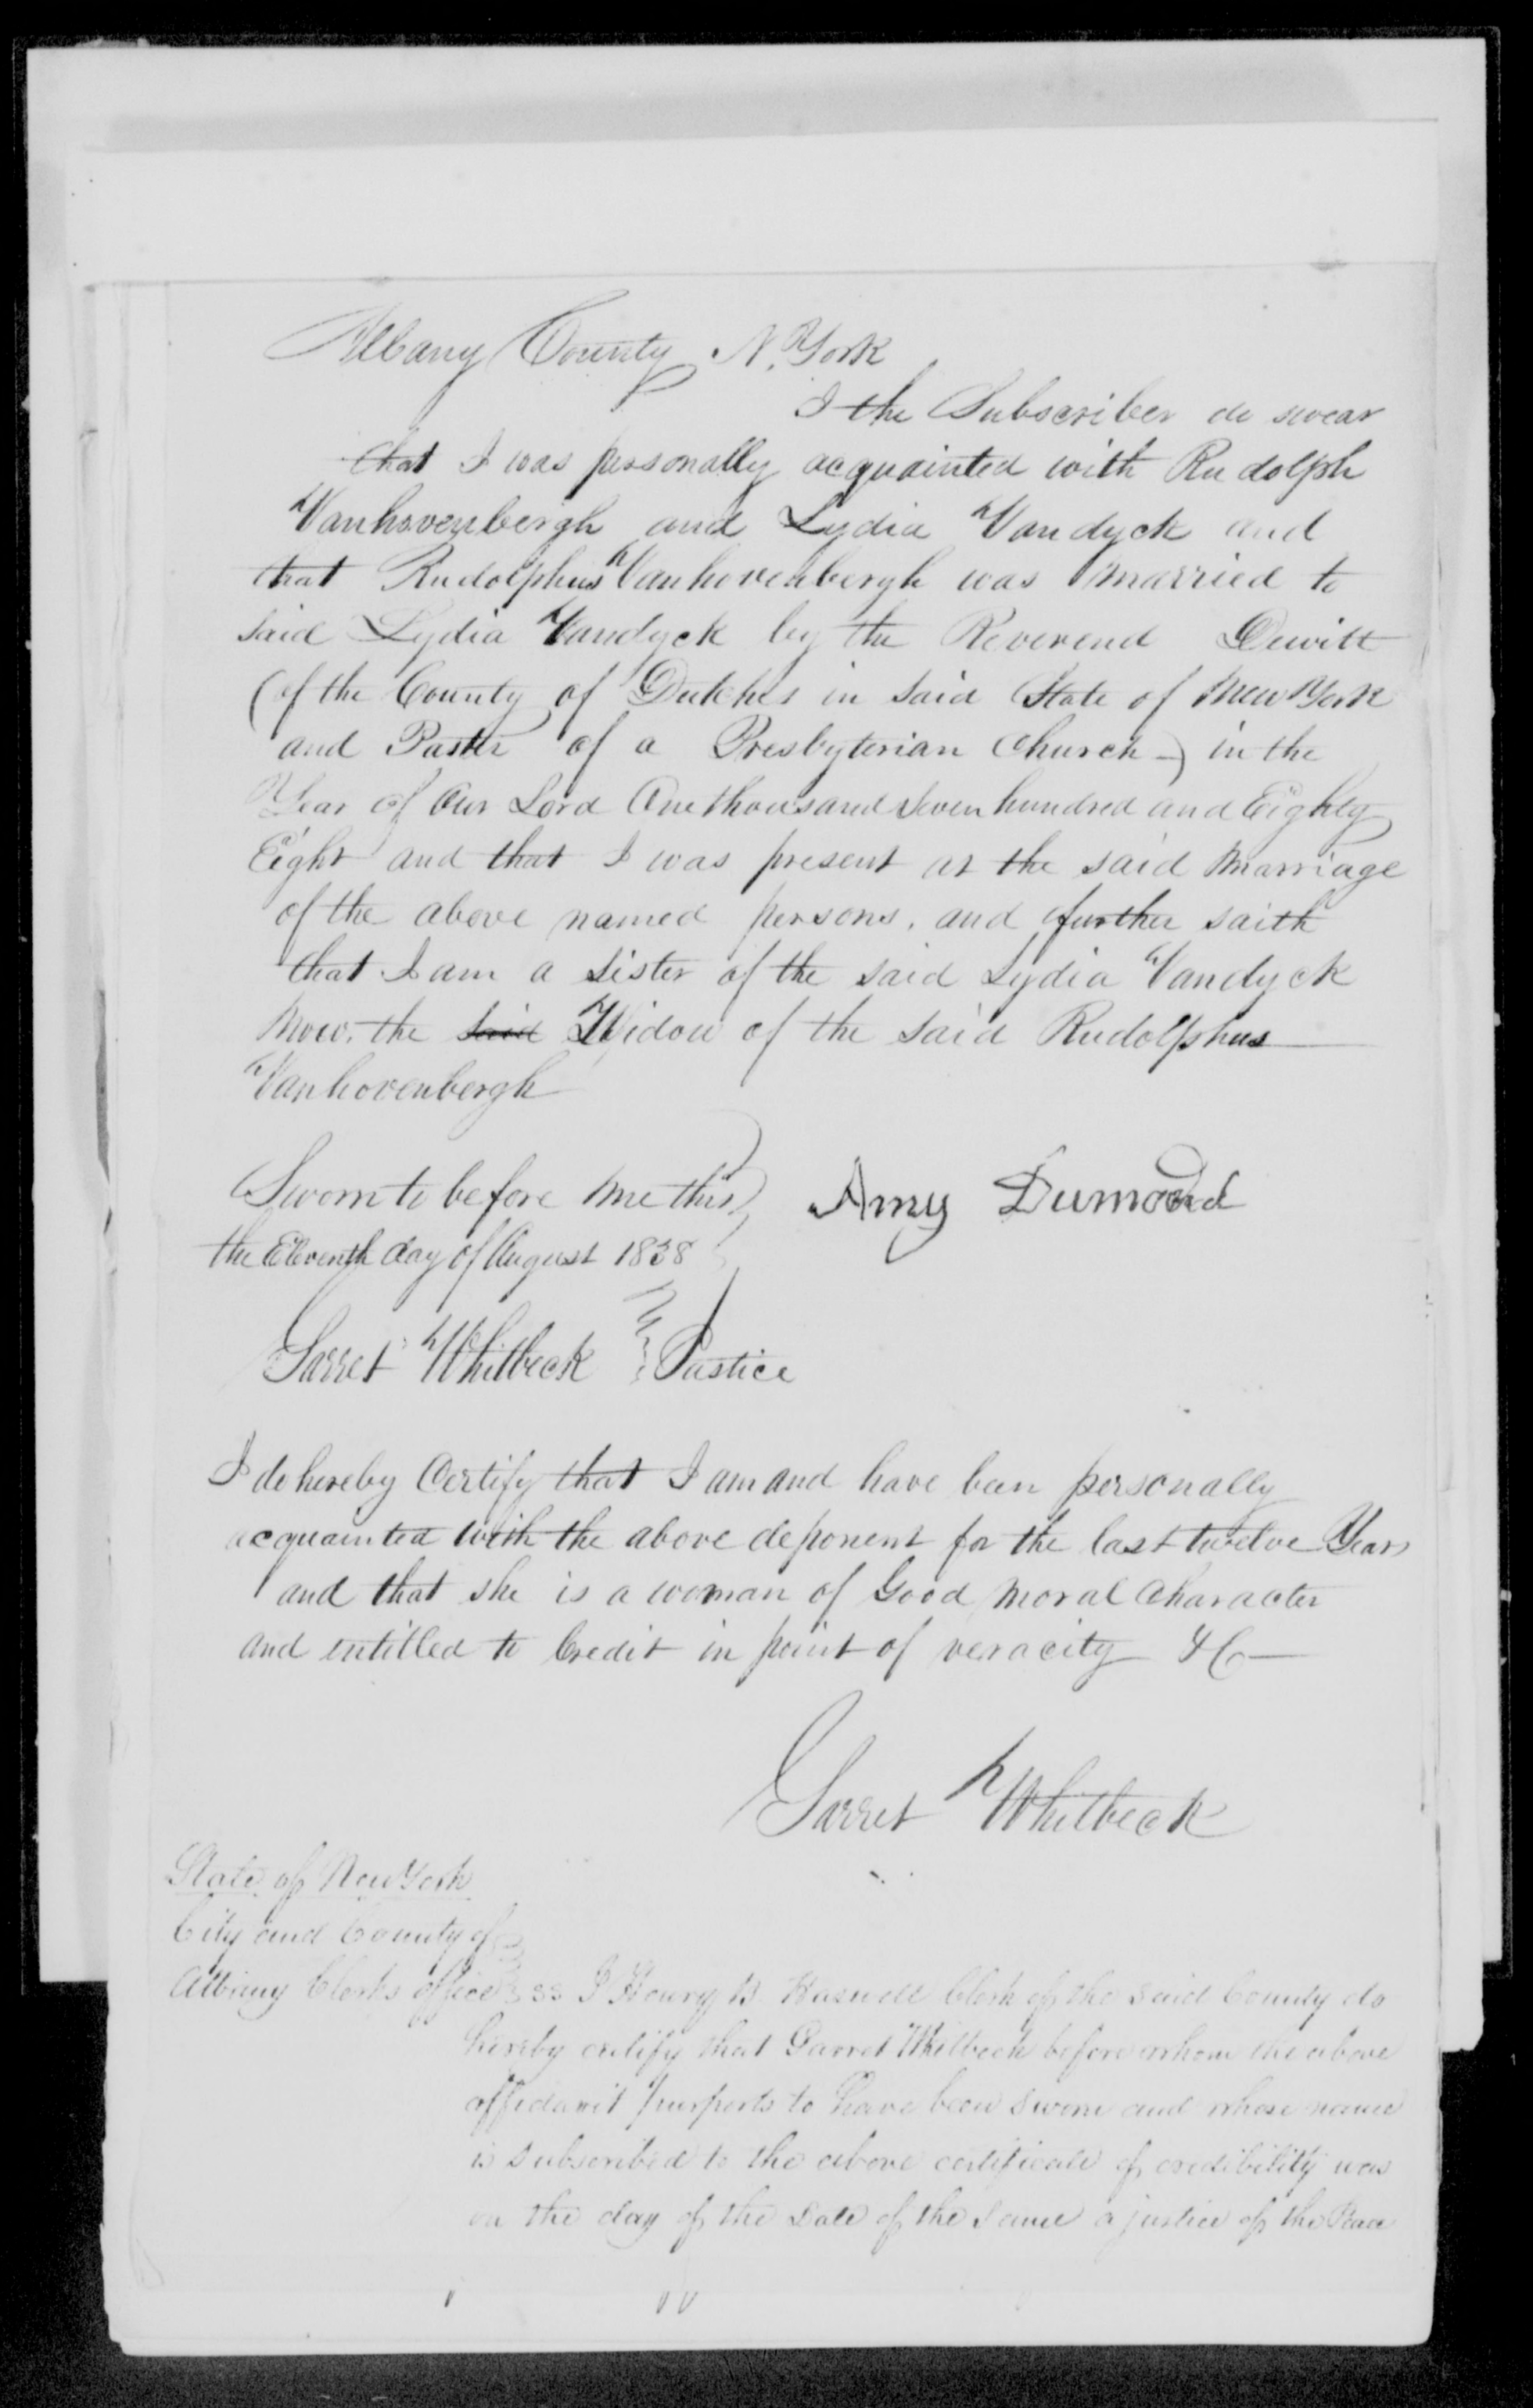Albany County N. York
I the Subscriber do swear that I was personally acquainted with Rudolph Vanhovenbergh and Lydia Vandyck and that Rudolphus Vanhovenbergh was married to said Lydia Vandyck by the Reverend Dewitt (of the County of Dutchess in said State of New York
and Paster of a Presbyterian Church) in the Year of our Lord One thousand Seven hundred and Eighty Eight and that I was present at the said Marriage of the above named persons, and further saith
that I am a sister of the said Lydia Vandyck now, the said Widow of the said Rudolphus Vanhovenbergh.
Sworn to before me this
Eleventh day of August 1838}
Amy Dumond [signature]
Garret Whtbeck} Justice
I do hereby certify that I am and have been personally acquainted with the above deponent for the last twelve years and that she is a woman of Good moral character and entitled to credit in point of veracity &c
Gerrit Whitbeck
State of New York
*
City and County of
Albany Clerks Office ⎬ SS I Henry B Haswell Clerk of the said County do hereby certify that Garret Whitbeck before whom the above
affidavit purports to have been sworn and whose name
is subscribed to the above certificate of credibility was
on the day of the date of the same a justice of the Peace
VV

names: Amy Dumond, Lydia Vandyck, Garret Whitbeck, Garret Whitbeck, Lydia Vandyck, Rudolphus Vanhovenbergh, Henry B Haswell, Garret Whitbeck, Rudolphus Vanhovenbergh, Lydia Vandyck, Dewitt, Rudolph Vanhovenbergh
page: 6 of 38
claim: widow's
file: W. 23324, Rudolphus Van Hoevenbergh, New York